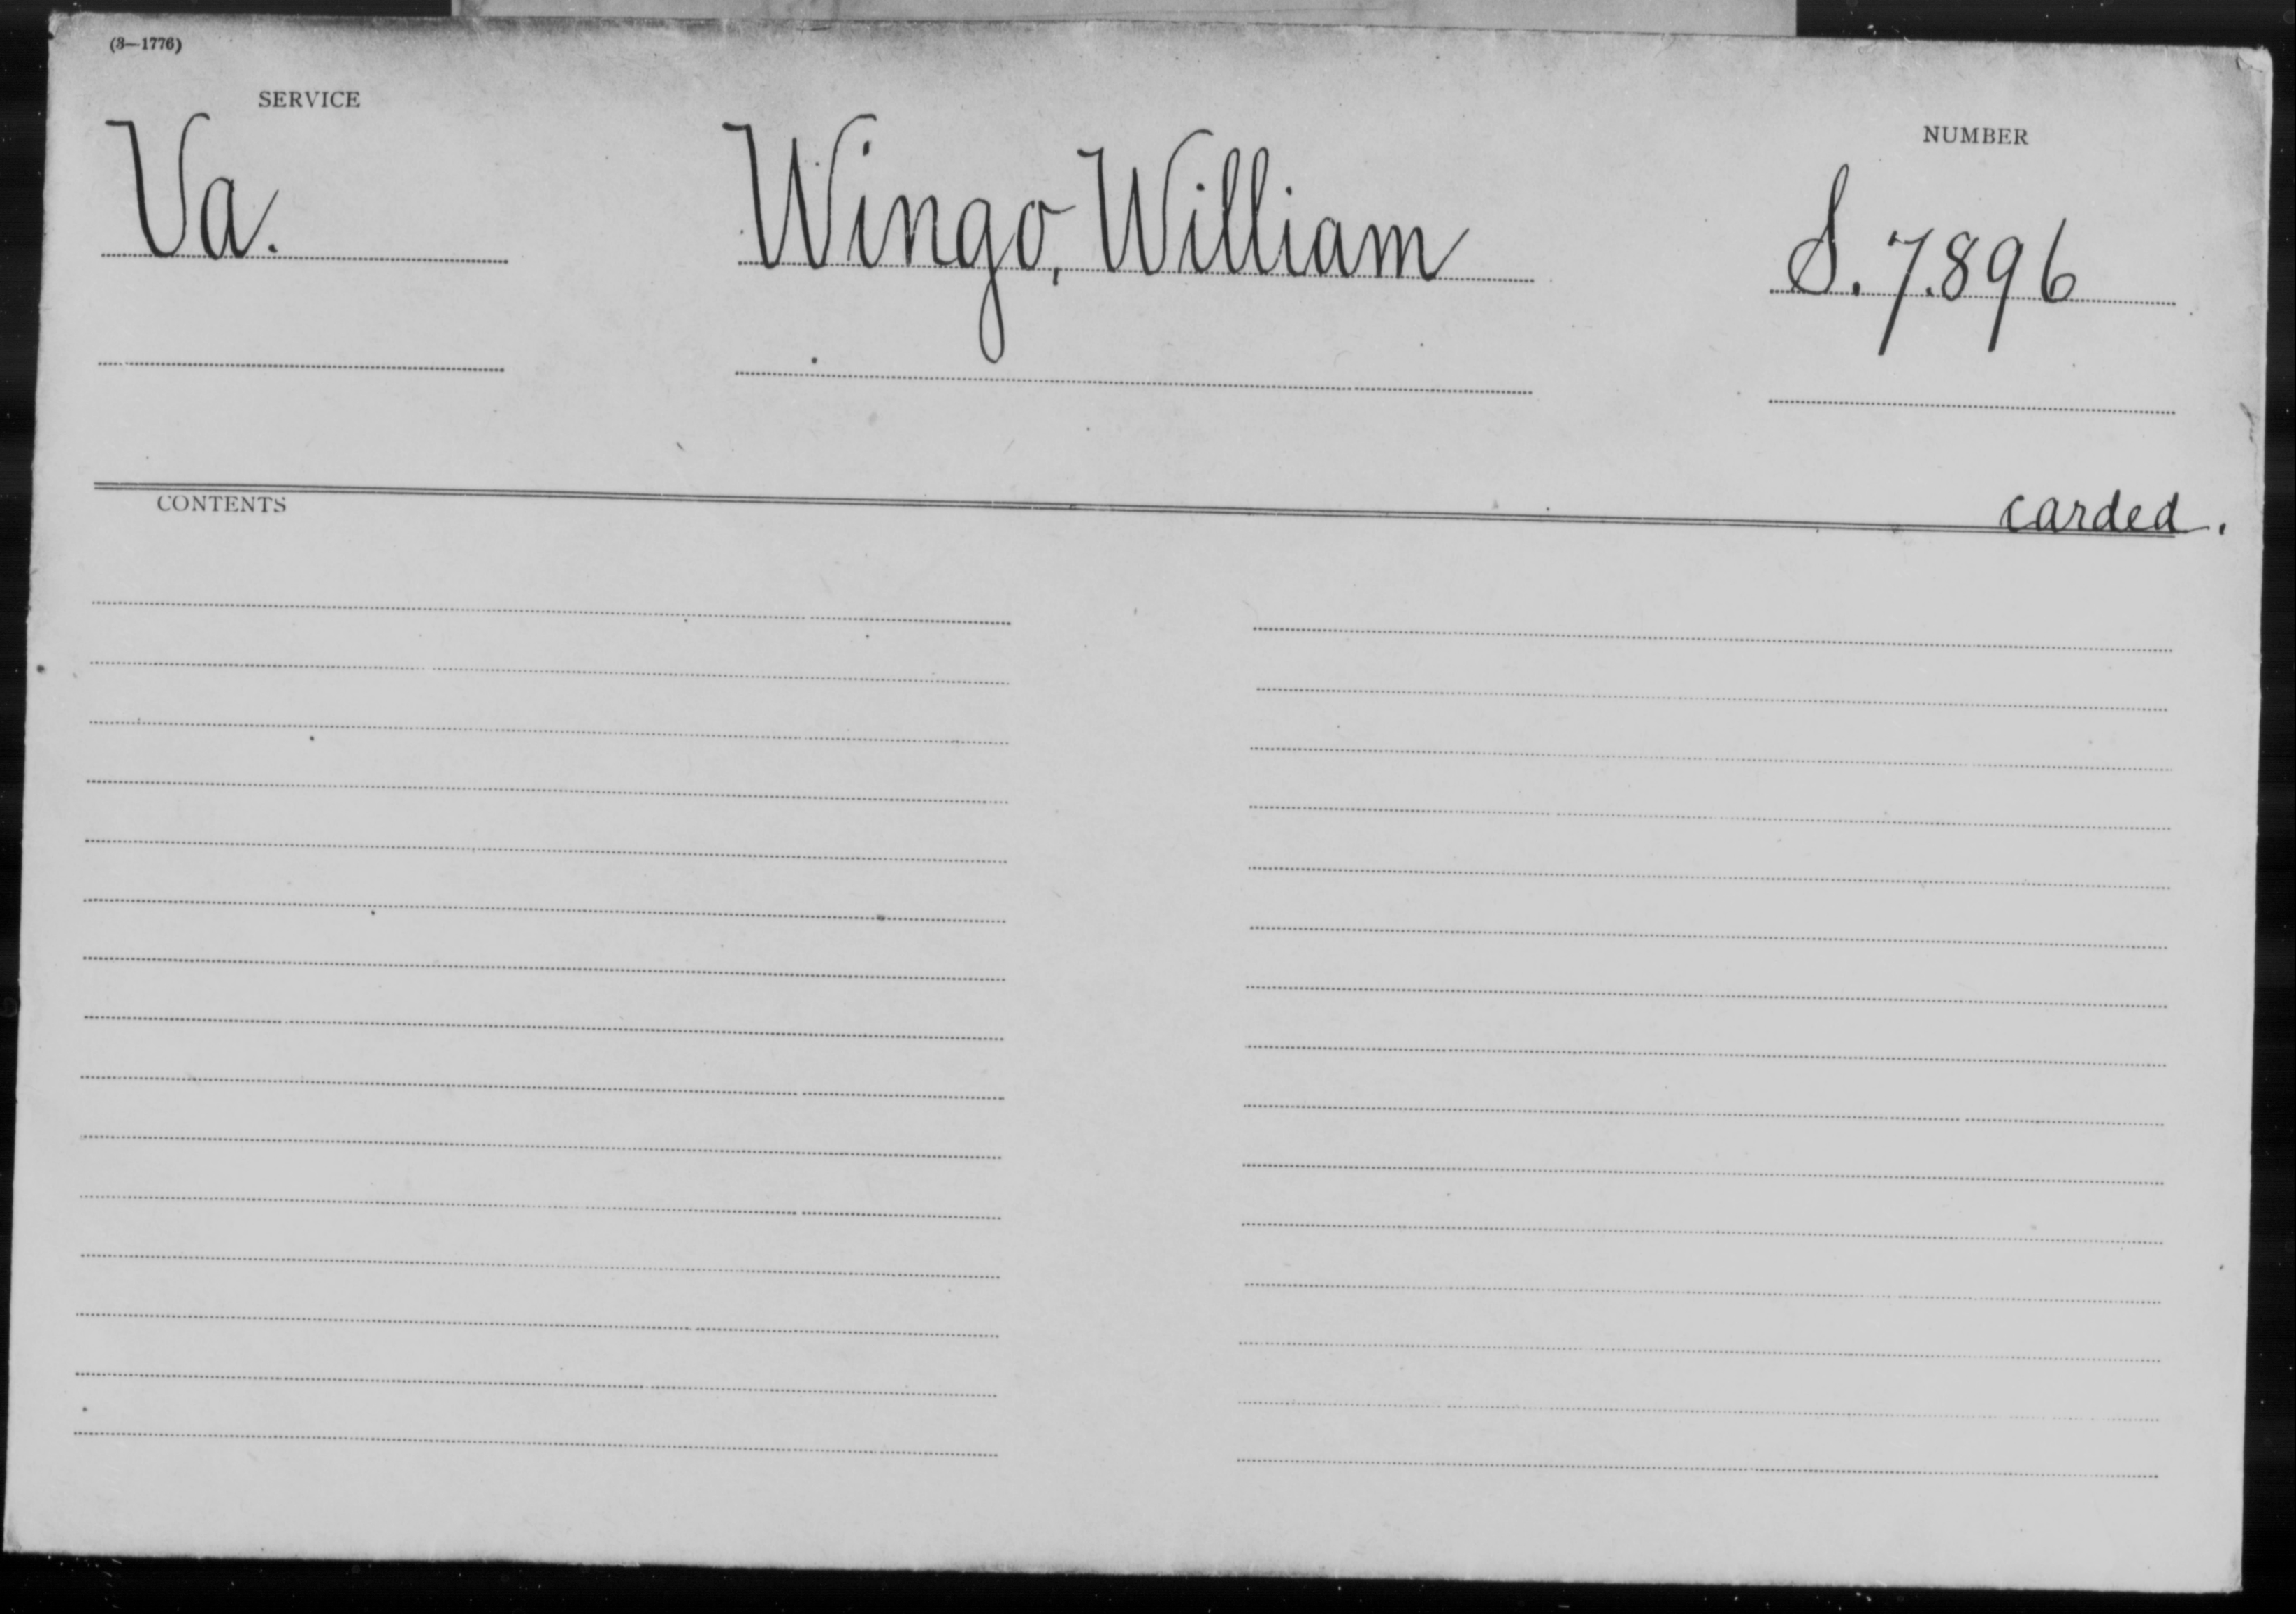(3-1776)
SERVICE NUMBER
Va. Wingo, William S. 7.896
carded.
CONTENTS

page: 1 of 19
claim: survivor's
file: S. 7,896, William Wingo, Va.